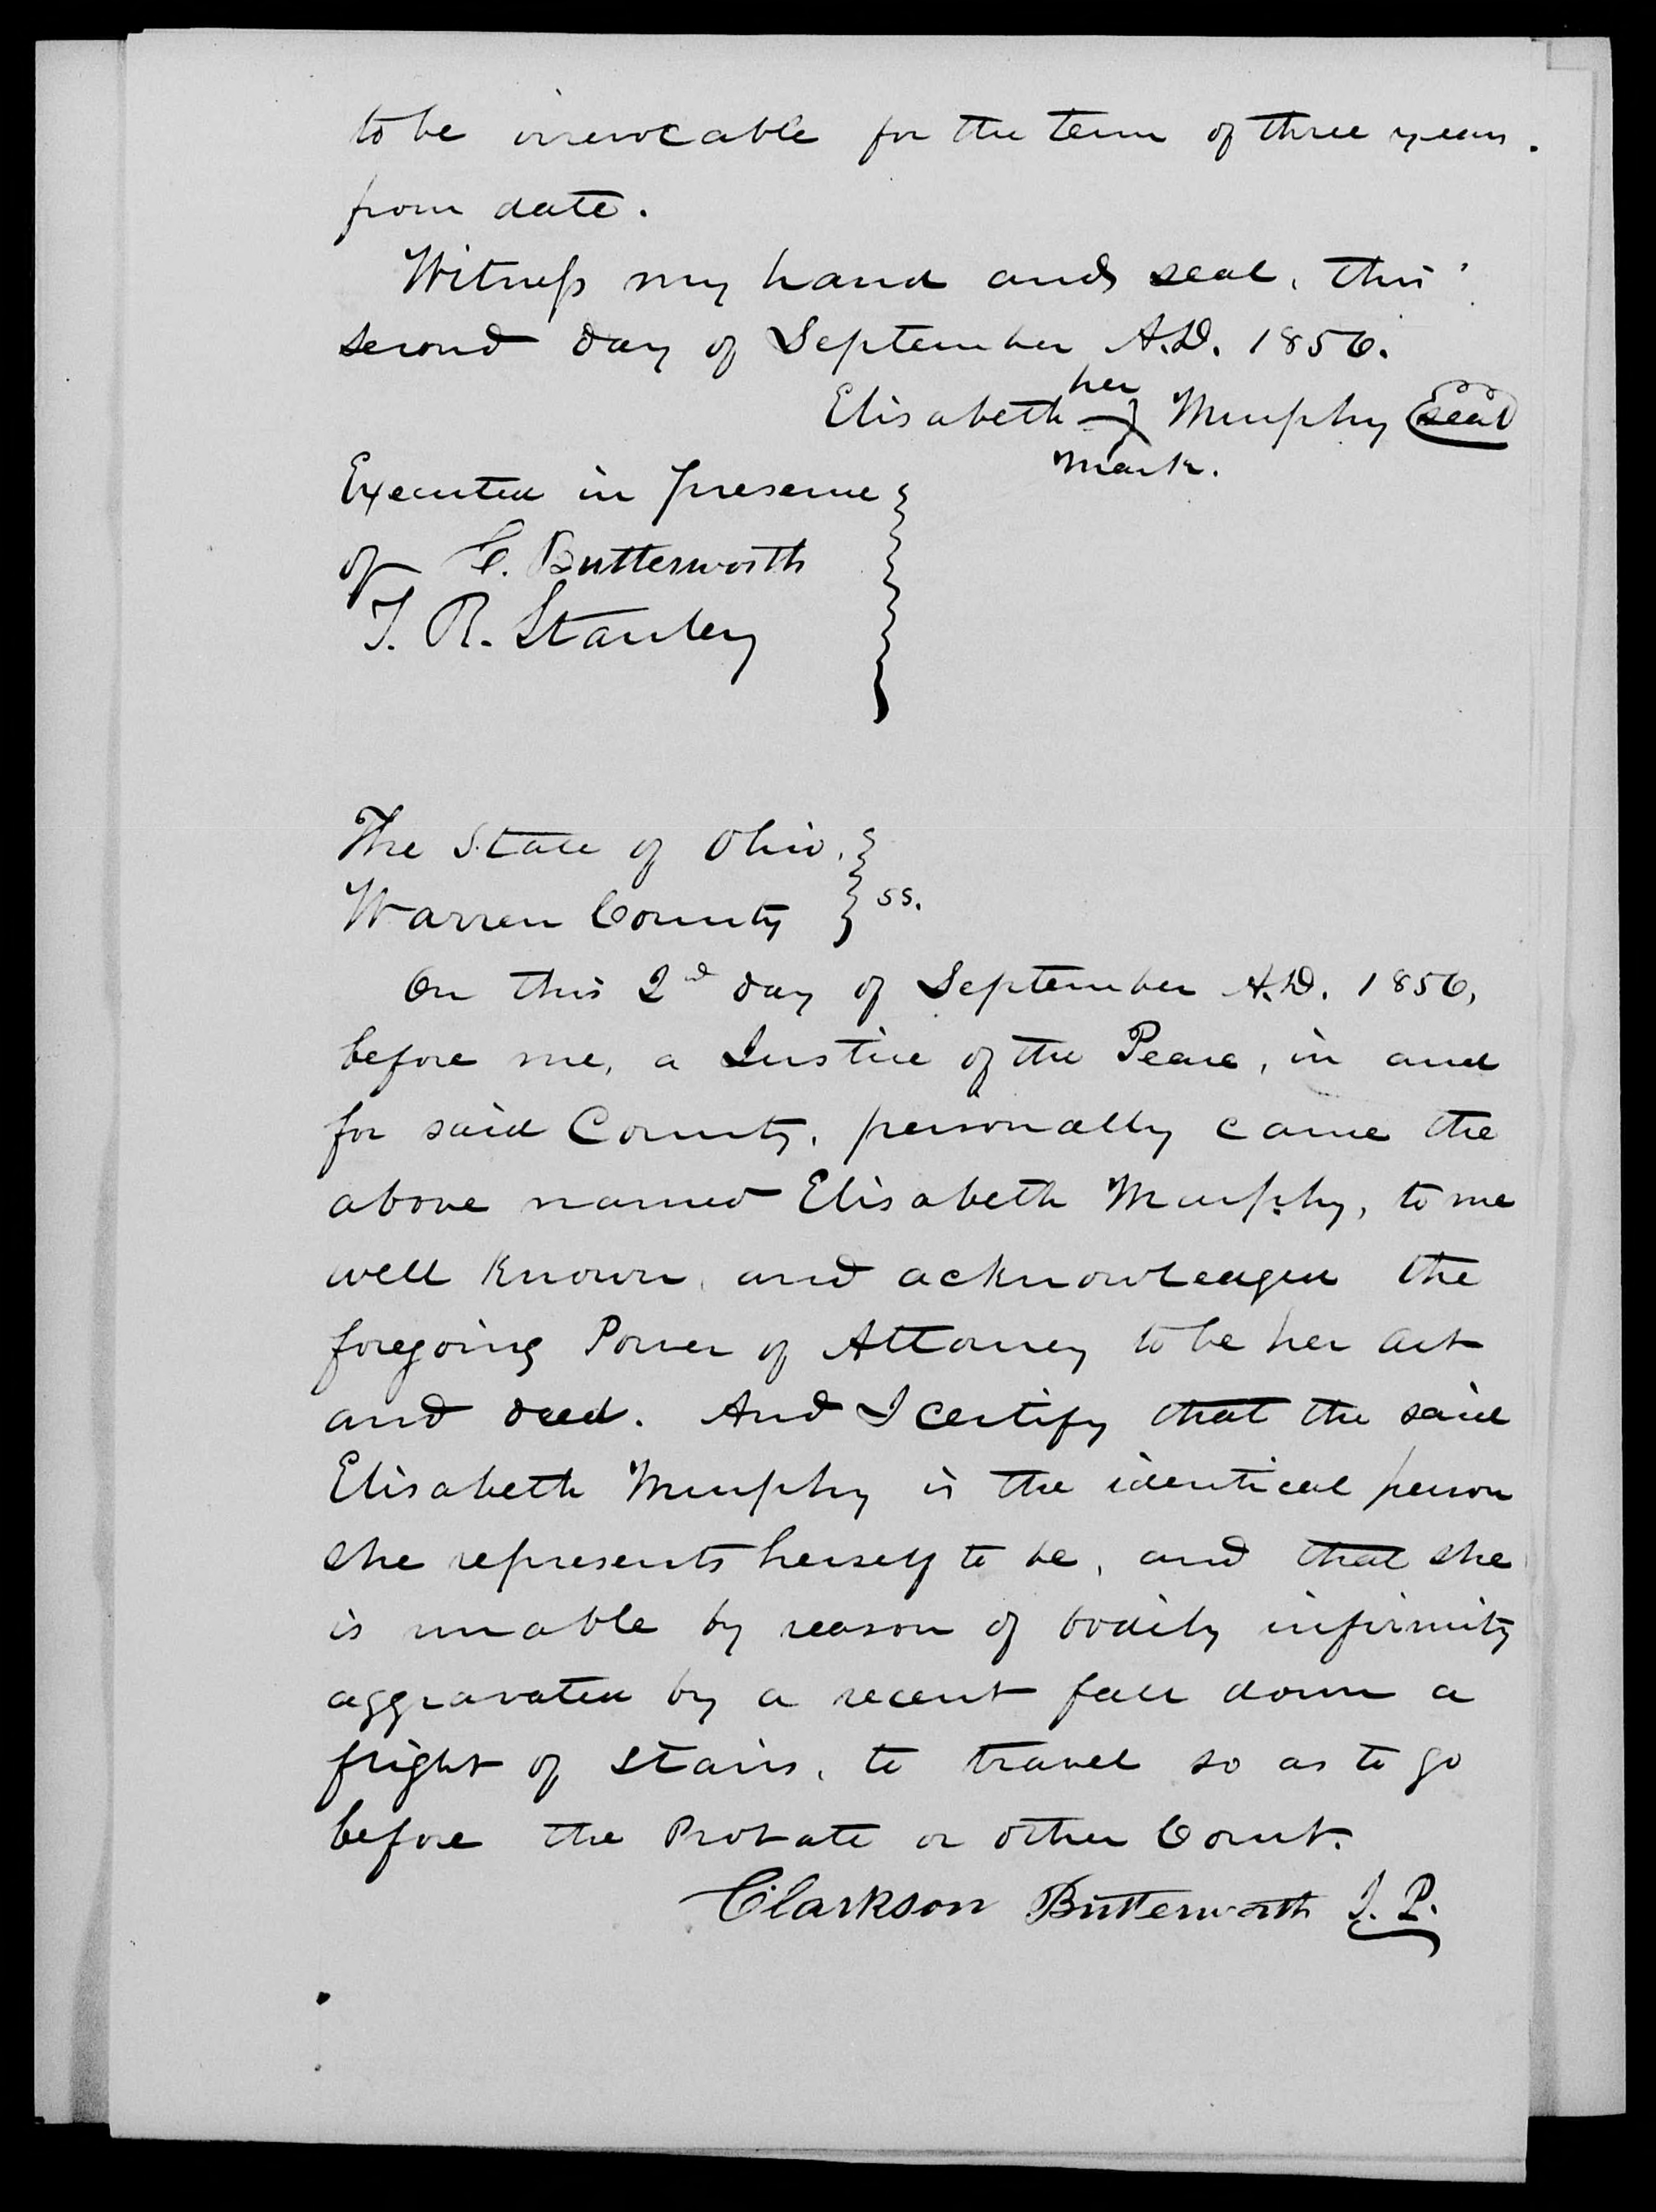to be irrevocable for the term of three years
from date.
Witness my hand and seal, this
Second day of September A.D. 1856.
Elizabeth Murphy  X her mark

Executed in presence
of C. Butterworth
T R. Stanley


The State of Ohio,
Warren County   SS

On this 2nd day of September A.D. 1856
before me, a Justice of the Peace, in and
for said County, personally came the
above named Elizabeth Murphy, to me
well known, and acknowledged the
foregoing Power of Attorney to be her act
and deed. And I certify that the said
Elizabeth Murphy is the identical person
the represents herself to be, and that she
is unable by reason of bodily infirmity
aggravated by a recent fall down a
flight of stairs, to travel so as to go
before the Probate or other Court.
Clarkson Butterworth J.P. /s/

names: T R Stanley; Elisabeth Murphy; Clarkson Butterworth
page: 16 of 57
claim: widow's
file: W. 25,739, for James Murphey, Pennsylvania